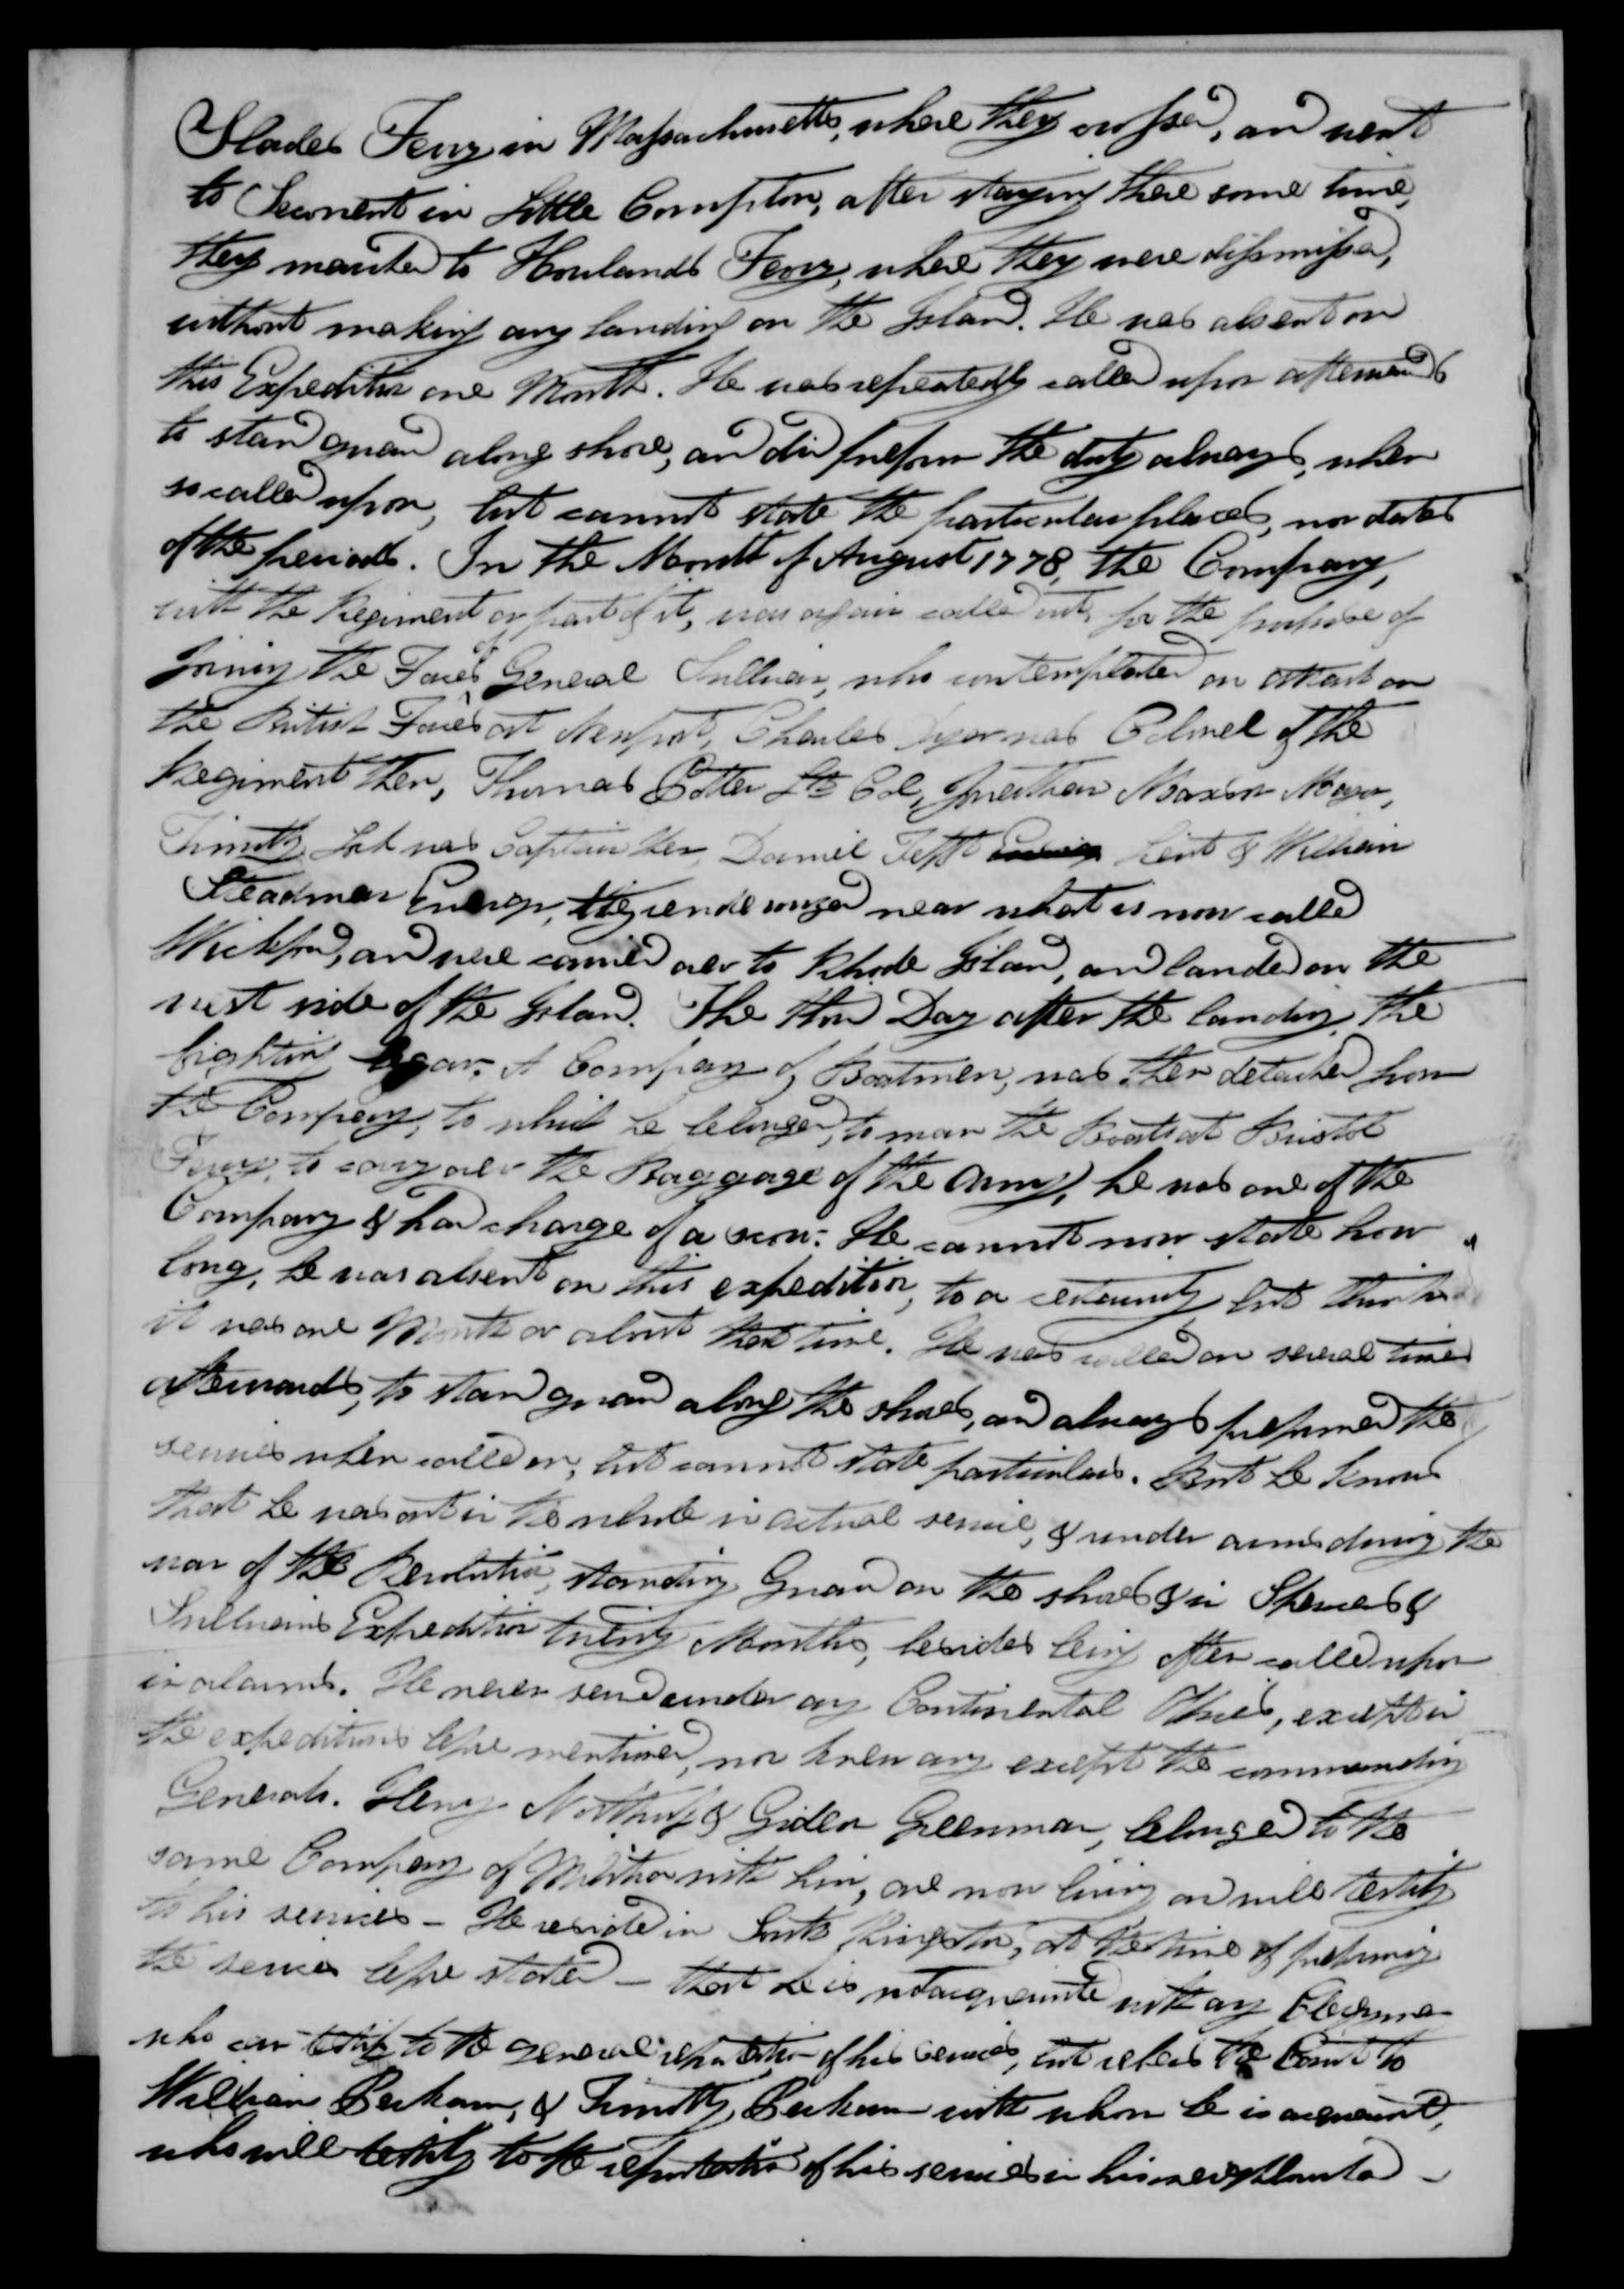Slade Ferry in Massachusetts, where they [illegible], and went to [illegible] in Little Compton, after staying there some time,
they marched to Howlands Ferry, where they were dismissed, without making any landing on the Island. He was absent on this Expedition one month. He was repeatedly called upon afterward to stand guard along shore, and did perform the duty always, when called upon, but cannot state the particular places, nor dates of the periods. In the month of August 1778, the Company, with the Regiment or part of it, was again called out, for the purpose of
of Joining the Forces of General Sullivan, who contemplated an attack on the British Forces at Newport, Charles Dyer was Colonel of the
Regiment then, Thomas Potter Lt Col. Jonathan Maxson Major, Timothy Lahnar Captain [illegible], Daniel Tefft [crossed out]/Ensign/[crossed out] Leut & William Steadman Ensign, they [illegible] near what is now called Wickford, and were [illegible] over to Rhode Island, and landed on the west side of the Island. The [illegible] Day after the landing, the fighting began. A Company of Boatmen, was then detailed from the Company, to which he belonged, to man the Boats at Bristol Ferry, to carry out the Barggage[?] of the Army, he was one of the Company & had charge of a scow[?]. He cannot now state how long, he was absent on this expedition, to a certainty but thinks it was one Month or about that time. He was called on several times afterwards, to stand guard along the shores, and always performed the service when called on, but cannot state particulars. But he knows that he was out in [illegible] in actual service, & under arms during the [illegible] of the Revolution, standing Guard on the shores & in General Sullivan's Expedition lasting Months, besides being often called upon in alarms. He never served under any Continental [illegible] except in the expeditions before mentioned, nor knew any except the commanding Generals. Henry Northrop & Gideon Greenman, belonged to the same Company of Militia or with him, and now being [illegible] testify to his service before stated-He resided in South Kingston, at the time of performing the service before stated-that he is not acquainted with any [illegible] who can testify to the general [illegible] of his service[?], but refers[?] the Court to William Peckman & Timothy Peckman with whom he is acquainted, who will testify to the [illegible] of his service & in his [illegible]                 
City Far was Captin her, Daniel Test Cent & William
Headman Every the rendemized near what is now called
Wick and were caried over to Rhode Island, and landed on the
west side of the Island. The third day after the land the
Eighting year. A company of Boatmen, was the detached from
Company to which he belonged to man the oath at Bristol
to carry on the Baggage of the Army, he was one of the
Company & had charge of a son, I cannot now state how
of
long, he was absent on this expedition, to a county at this
it was one month or about the time. I was willed on several times
demand to stand guard along the shall, and also hispered the same
when called on, but cannot state particulars. But know
that he was enter to be in actual service, & under arms during the
war of the Revolution standing Guard on the shore & in Shall
Sole Execution Entry Month, besides being after called upon
in alarms. Hener and under any Continental Opil, except in
the expeditions of mentioned, nor knewary except the commanding
General Henry Northern Giden Greenman, belonged to the same
Company of Militia with him, are now living or will testify
to his services. He recole in South Kingston, at the time of her
the same are stated that he is acquaint the
who are not to to general report of his is entitled the Court to
---
William Perham & Irmeth Cahan with whom he is acquaint
who will try to reputation of his served in his ment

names: William Peckam, Charles Dyer, Jonathan Maxson, Gideon Greenman, Henry Northrop, Thomas Potter, Spencer, Daniel Tefft, Timothy Peckam, William Steadman, Sullivan, Timothy Lahnar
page: 4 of 21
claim: survivor's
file: S. 21537, William Tourgee, R.I.